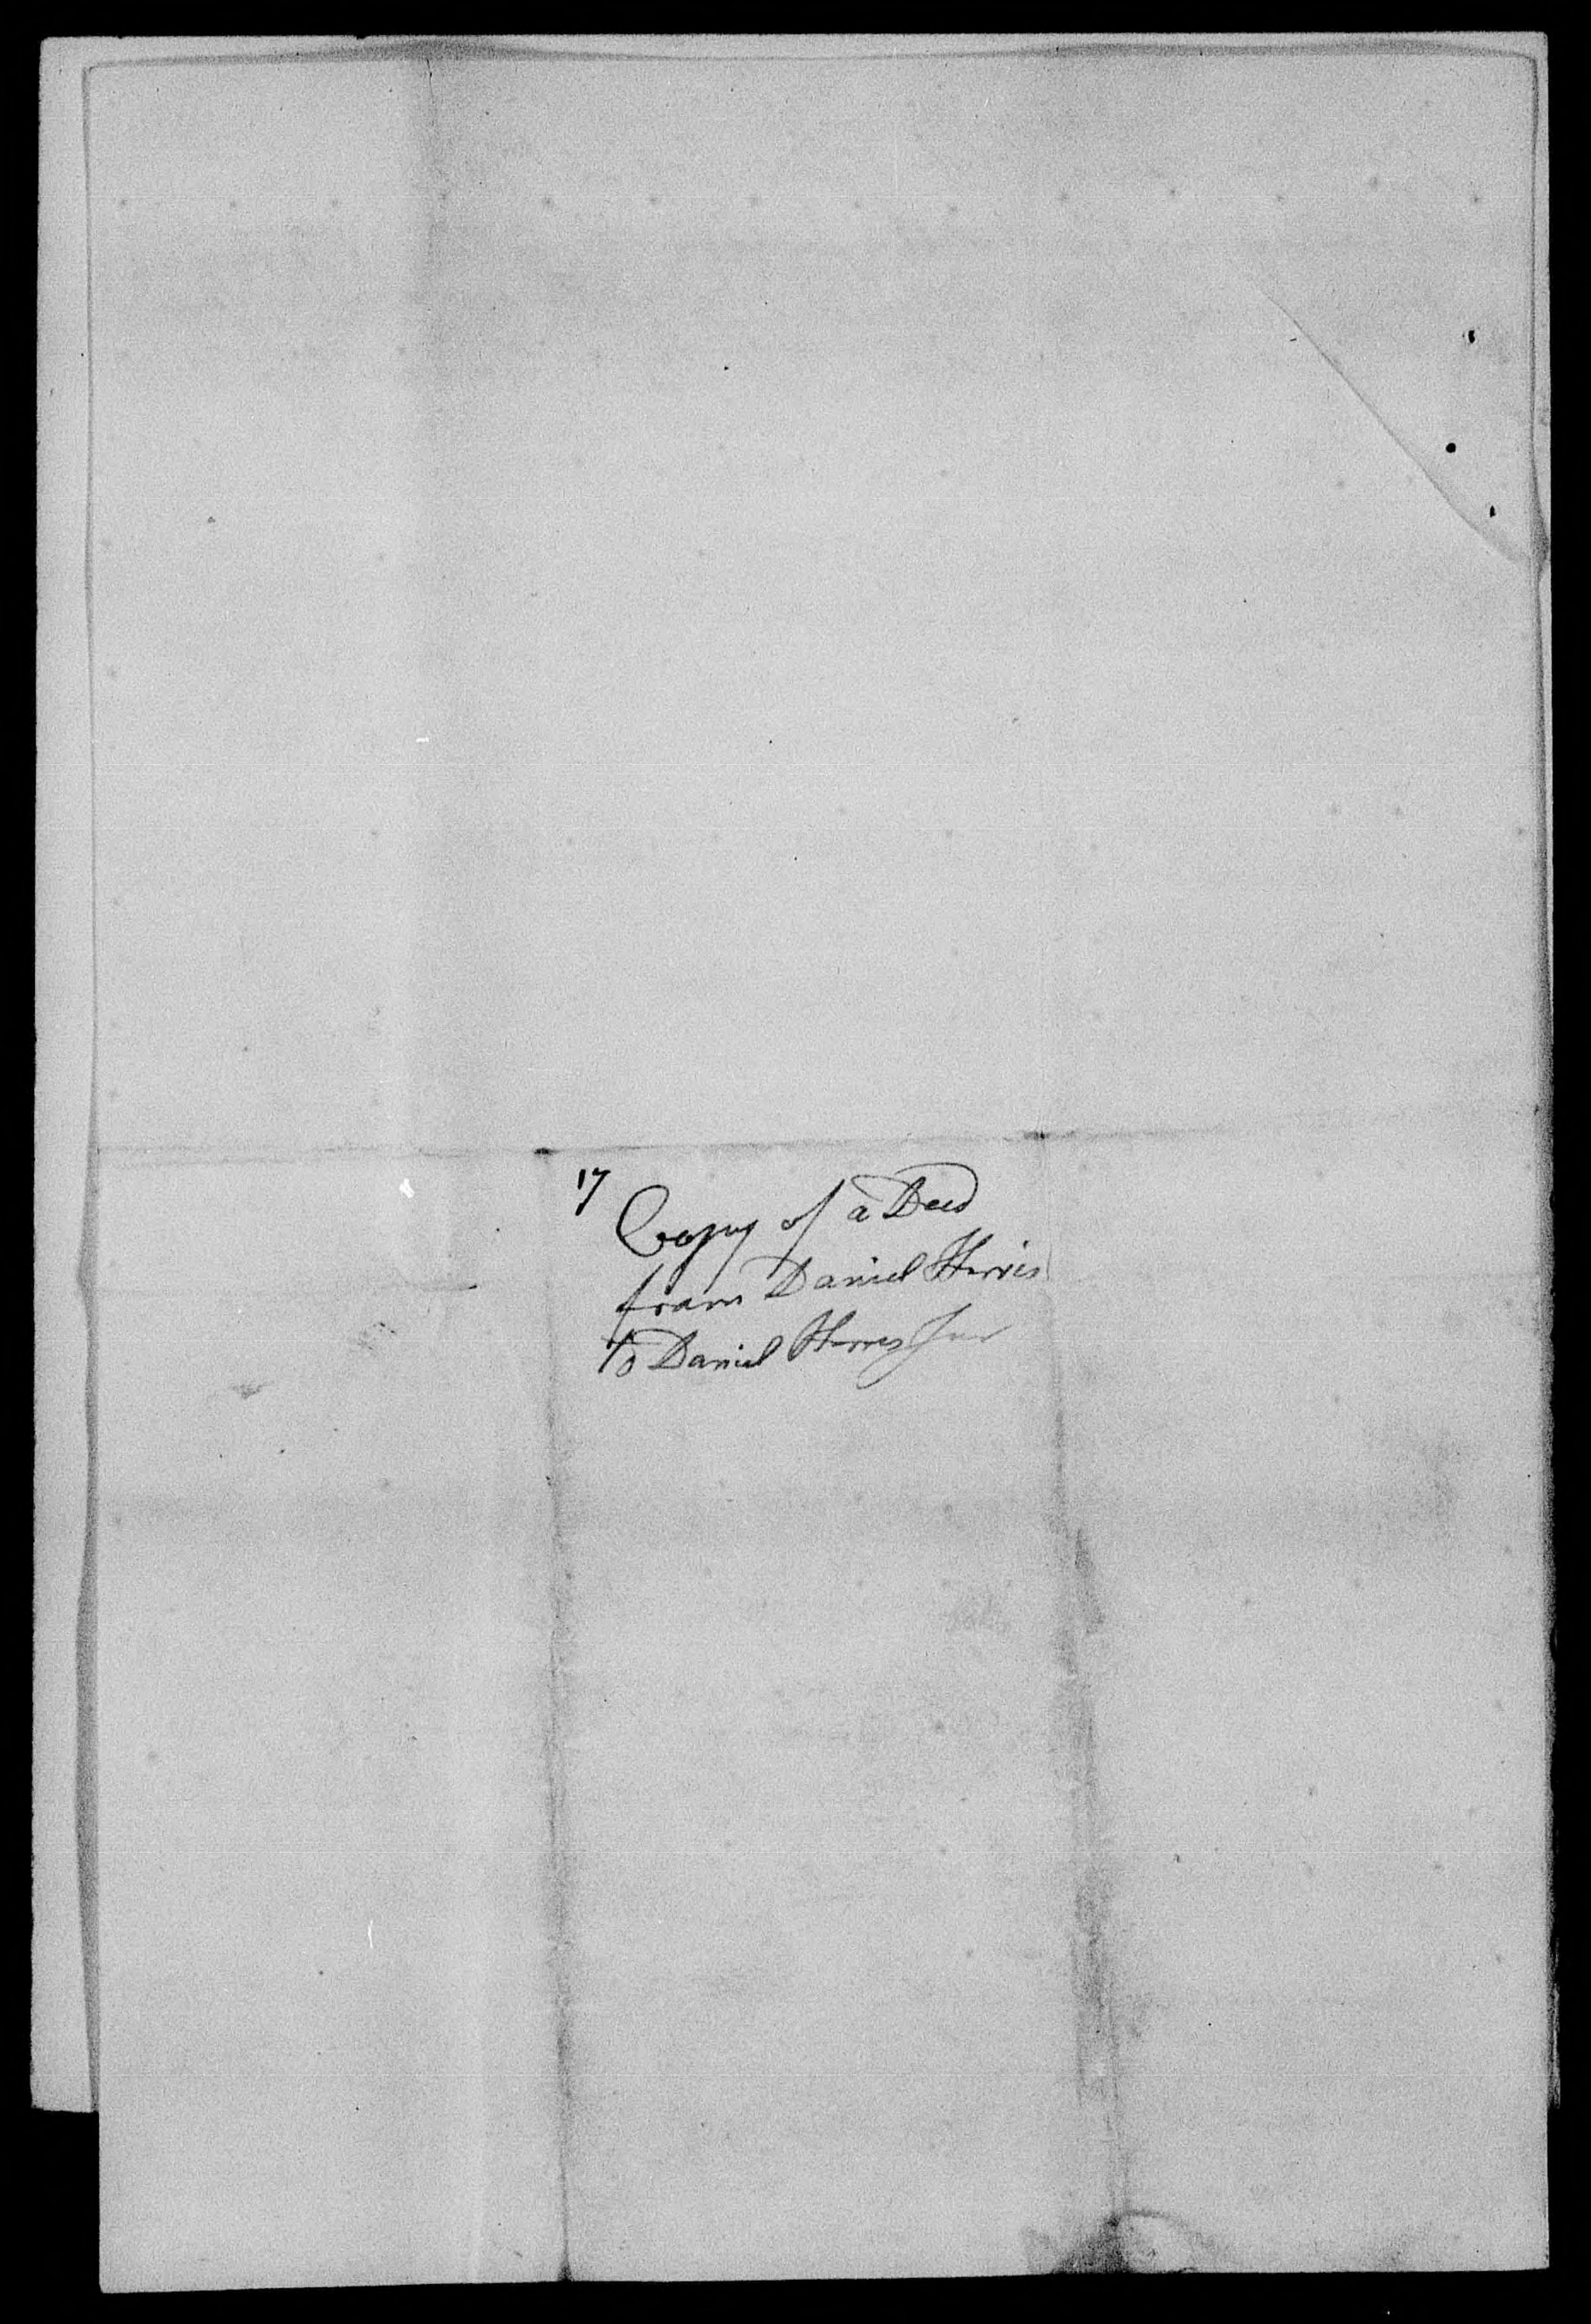17 
Copy of a Deed from Daniel Harris to Daniel Harris Junior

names: Daniel Harris, Daniel Harris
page: 47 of 68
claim: survivor's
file: S. 29,877, Daniel Harris, Mass.